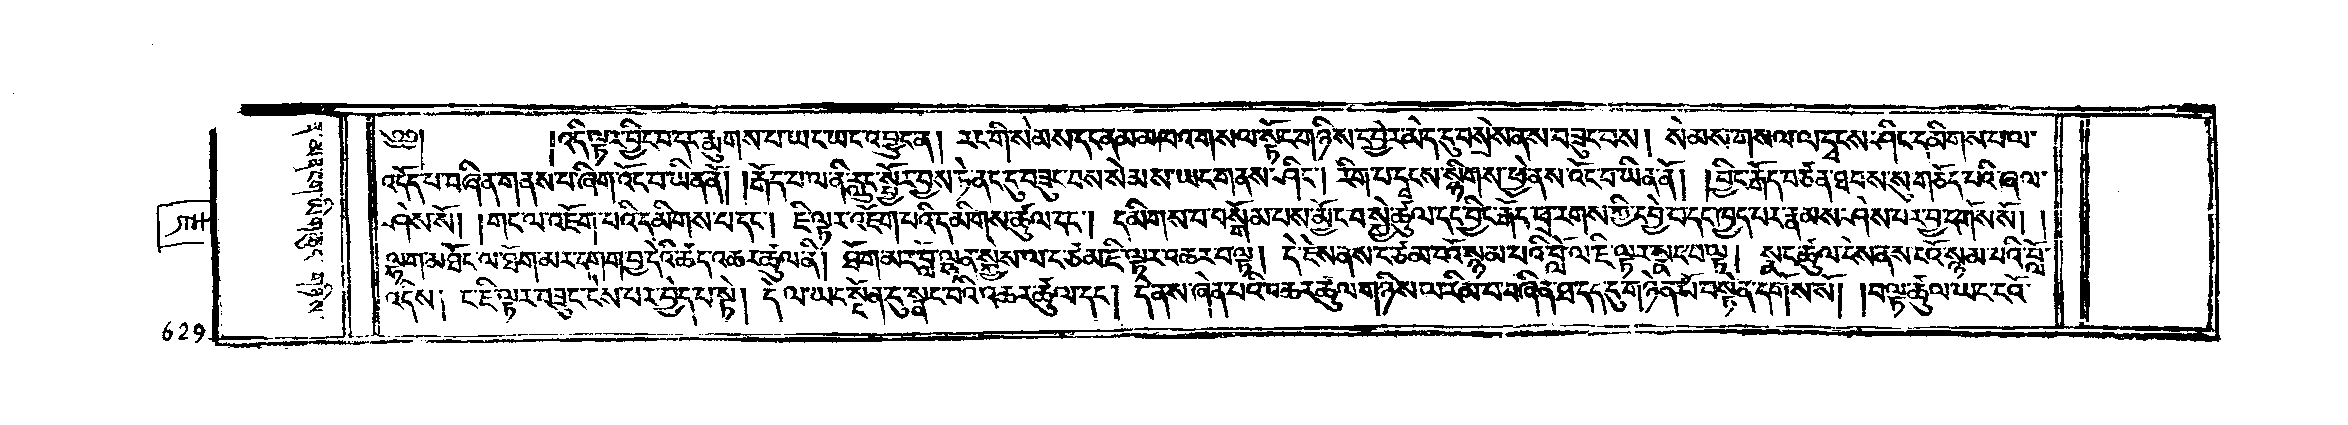༄༅། །འདི་ལྟར་བྱིང་བ་དང་རྨུགས་པ་ཡང་ཡང་འབྱུང་ན། རང་གི་སེམས་དང་ནམ་མཁའ་གསལ་སྟོང་གཉིས་དབྱེར་མེད་དུ་བསྲེས་ནས་བཟུང་བས། སེམས་གསལ་ལ་དྭངས་ཤིང་དམིགས་པ་ལ་
འདོད་པ་བཞིན་གནས་པ་ཞིག་འོང་བ་ཡིན་ནོ། །རྒོད་པ་ལ་ནི་རླུང་སྦྱོར་བྱས་ཏེ་ནང་དུ་བཟུང་བས་སེམས་ཡང་གནས་ཤིང་། རིག་པ་དྭངས་སྙིགས་ཕྱེ་ནས་འོང་བ་ཡིན་ནོ། །བྱིང་རྒོད་བཙན་ཐབས་སུ་གཅོད་པའི་ཞལ་
ཤེས་སོ། །གང་ལ་འཇོག་པའི་དམིགས་པ་དང་། ཇི་ལྟར་འཇོག་པའི་དམིགས་ཚུལ་དང་། དམིགས་པ་བསྒོམ་པས་མྱོང་བ་སྐྱེ་ཚུལ་དང་བྱིང་རྒོད་ཕྲ་རགས་ཀྱི་དབྱེ་བ་དང་ཁྱད་པར་རྣམས་ཤེས་པར་བྱ་དགོས་སོ། །
ལྷག་མཐོང་ལ་ཐོག་མར་དགག་བྱ་དེའི་ཚད་འཆར་ཚུལ་ནི། ཐོག་མར་བློ་ལྷན་སྐྱེས་ལ་ང་ཙམ་ཇི་ལྟར་འཆར་བ་ལྟ། དེ་ངེས་ནས་ང་ཙམ་ངའོ་སྙམ་པའི་བློ་ལ་ཇི་ལྟར་སྣང་བ་ལྟ། སྣང་ཚུལ་ངེས་ནས་ངའོ་སྙམ་པའི་བློ་
འདིས། ང་ཇི་ལྟར་བཟུང་ངེས་པར་བྱེད་པ་སྟེ། དེ་ལ་ཡང་སྔོན་དུ་སྣང་བའི་འཆར་ཚུལ་དང་། དེ་ནས་ཞེན་པའི་འཆར་ཚུལ་གཉིས་ལ་རིམ་པ་བཞིན་ཐ་དད་དུ་གཉེན་པོ་བསྟེན་དགོས་སོ། །བལྟ་ཚུལ་ཡང་ངའོ་